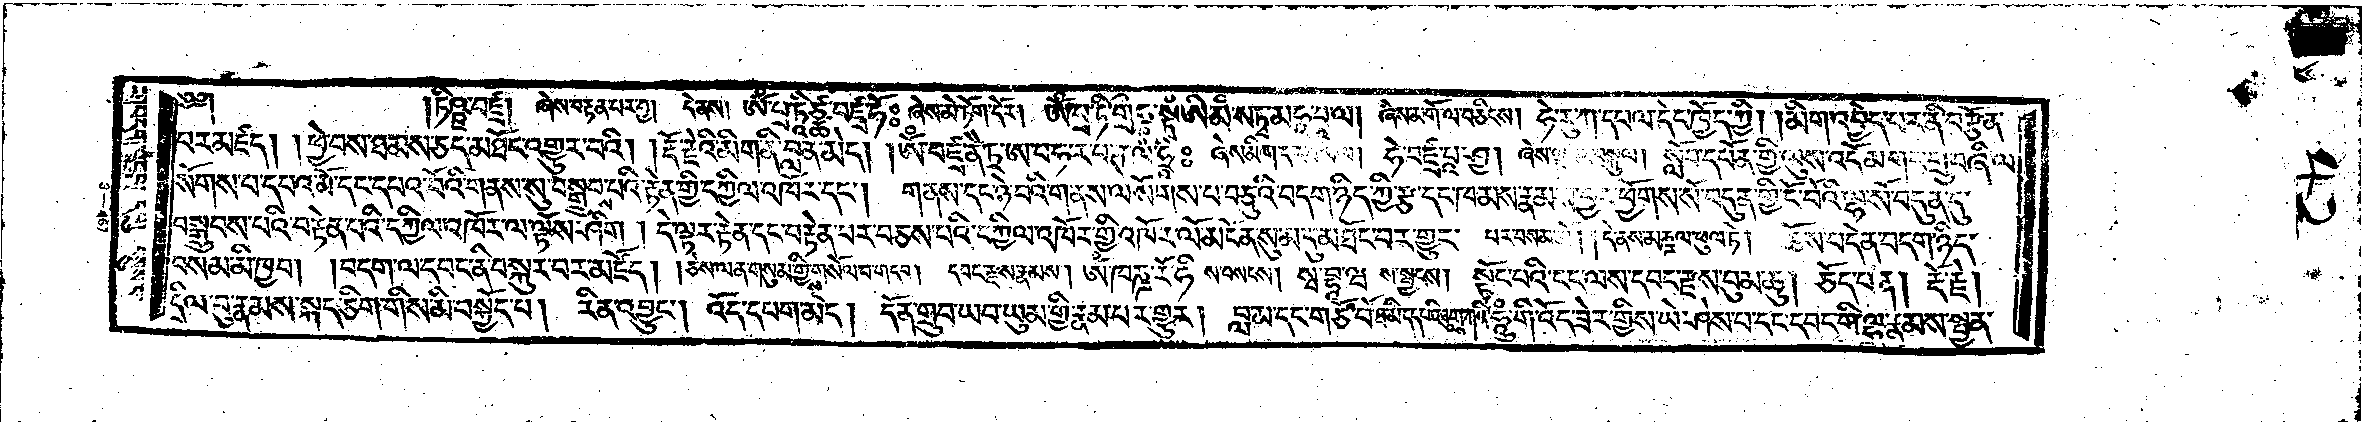༄༅། །ཏིཥཊཿཨ་བཛྲ། ཞེས་བརྟན་པར་བྱ། དེ་ནས།  ཨོཾ་པྲ་ཏཱིཙྪ་བཛྲ་ཧོཿཞེས་མེ་ཏོག་དོར།  ཨོཾ་པྲ་ཏི་གྲྀདྲཱ་སྟྲཾ་ཨི་མཾ་སཏྭ་མཧཱ་པཱ་ལ། ཞེས་མགོ་ལ་བཅིངས།  ཧེ་རུ་ཀ་དཔལ་དིང་ཁྱོད་ཀྱི། །མིག་འབྱེད་པར་ནི་བརྩོན་
པར་མཛད། །ཕྱེ་བས་ཐམས་ཅད་མཐོང་འགྱུར་བའི། །རྡོ་རྗེའི་མིག་ནི་བླན་མེད། །ཨོཾ་བཛྲ་ནཻ་ཏྲ་ཨ་པ་ཧ་ར་པ་ཊ་ལཾ་ཧྲཱིཿཞེས་མིག་དར་བསལ།  ཧེ་བཛྲ་པཱ་ཤྱ། ཞེས་ལྟ་བར་བསྐུལ།  སློབ་དཔོན་གྱི་ལུས་འདོ་མགང་གྲུ་བཞི་ལ་
སོགས་པ་དཔའ་མོ་དང་དཔའ་བོའི་གནས་སུ་བསྒྲུབས་པའི་རྟེན་གྱི་དཀྱིལ་འཁོར་དང་། གནས་དང་ཉེ་བའི་གནས་ལ་སོགས་པ་བཅུའི་བདག་ཉིད་ཀྱི་རྩ་དང་ཁམས་རྣམས་བྱང་ཕྱོགས་སོ་བདུན་གྱི་ངོ་བོའི་ལྷ་སོ་བདུན་དུ་
བསྒྲུབས་པའི་བརྟེན་པའི་དཀྱིལ་འཁོར་ལ་ལྟོས་ཤིག །དེ་ལྟར་རྟེན་དང་བརྟེན་པར་བཅས་པའི་དཀྱིལ་འཁོར་གྱི་འཁོར་ལོ་མངོན་སུམ་དུ་མཐོང་བར་གྱུར་པར་བསམ་མོ། །དེ་ནས་མཎྜལ་ཕུལ་ཏེ།  ཆོས་བདེན་བདག་ཉིད་
བསམ་མི་ཁྱབ། །བདག་ལ་དབང་ནི་བསྐུར་བར་མཛོད། །ཅེས་ལན་གསུམ་གྱིས་གསོལ་བ་གདབ། དབང་རྫས་རྣམས།  ཨོཾ་ཁཎྜ་རོ་ཧི་ས་བསངས།  སྭ་བྷཱ་ཝས་སྦྱངས།  སྟོང་པའི་ངང་ལས་དབང་རྫས་བུམ་ཆུ། ཅོད་པ་ན། རྡོ་རྗེ།
དྲིལ་བུ་རྣམས་སྐད་ཅིག་གིས་མི་བསྐྱོད་པ། རིན་འབྱུང་། འོད་དཔག་མེད། དོན་གྲུབ་ཡབ་ཡུམ་གྱི་རྣམ་པར་གྱུར། བླ་མ་དང་གཙོ་བོ་ཐ་མི་དད་པའི་ཐུགས་ཀའི་ཧཱུཾ་གི་འོད་ཟེར་གྱིས་ཡེ་ཤེས་པ་དང་དབང་གི་ལྷ་རྣམས་སྤྱན་